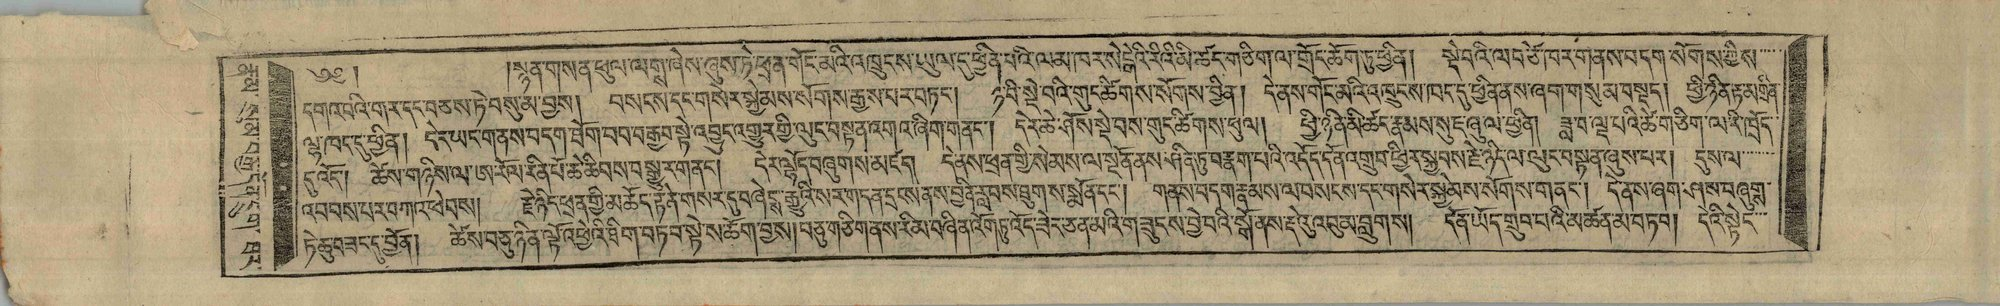༄༅། །སྙན་གསན་ཕུལ་ལགས་ཞེས་ཞུས་ཏེ་ཕྲན་གོང་མའི་འཁྲུངས་ཡུལ་དུ་ཕྱིན་པའི་ལམ་ཁར་སེངྒེའི་རིའི་མི་ཚང་གཅིག་ལ་གྲོང་ཆོག་ཏུ་ཕྱིན། སྡེ་བའི་ལབ་ཙེ་ཁར་གནས་བདག་སོགས་ཀྱིས་
དགའ་བའི་གར་དང་བཅས་ཏེ་བསུ་མ་བྱས། བསངས་དང་གསེར་སྐྱེམས་སོགས་རྒྱས་པར་བཏང་། ཉ་བི་སྡེ་བའི་གུང་ཚིགས་སོགས་བྱིན། དེ་ནས་གོང་མའི་འཁྲུངས་ཁང་དུ་ཕྱིན་ནས་ཞག་གསུམ་བསྡད། ཕྱི་ཉིན་རྟ་མགྲིན་
ལྷ་ཁང་དུ་ཕྱིན། དེད་ཡང་གནས་བདག་ཐོག་བབ་བརྒྱབ་སྟེ་འབྱུང་འགྱུར་གྱི་ལུང་བསྟན་འགའ་ཞིག་གནང་། དེར་ཆེ་ཤོས་སྡེ་བས་གུང་ཚིགས་ཕུལ། ཕྱི་ཉིན་མི་ཚང་རྣམས་སུ་ཇ་ཞུ་ལ་ཕྱིན། ཟླ་བ་ལྔ་པའི་ཚེ་གཅིག་ལ་རི་ཁྲོད་
དུ་འོང་། ཚེས་གཉིས་ལ་ཨ་རོལ་རིན་པོ་ཆེ་ཆིབས་བསྒྱུར་གནང་། དེར་ལྷོད་བཞུགས་མཛད། དེ་ནས་ཕྲན་གྱི་སེམས་ལ་སྔོན་ནས་ཤིན་ཏུ་བརྣག་པའི་འདོད་དོན་འགྲུབ་ཕྱིར་སྐྱབས་རྗེ་ཉིད་ལ་ལུང་བསྟན་ཞུས་པར། དུས་ལ་
འབབས་པར་བཀའ་ཕེབས། རྗེ་ཉིད་ཕྲན་གྱི་མཆོད་རྟེན་གསར་དུ་བཞེངས་རྒྱུའི་སར་གདན་དྲངས་ནས་བྱིན་རླབས་ཐུགས་སྨོན་དང་། གནས་བདག་རྣམས་ལ་བསངས་དང་གསེར་སྐྱེམས་སོགས་གནང་། དེ་ནས་ཞག་ཤས་བཞུགས་
ཏེ་ཆུ་བཟང་དུ་བྱོན། ཚེས་བཅུ་ཉིན་ལྟོ་འཕྱེའི་ཐིག་བཏབ་སྟེ་ས་ཆོག་བྱས། བཅུ་གཅིག་ནས་རིམ་བཞིན་འོག་ཏུ་འོད་ཟེར་ཅན་མའི་གཟུངས་བྱེ་བའི་སྒོ་ནས་རྡེའུ་འབུམ་བླུགས། དོན་ཡོད་གྲུབ་པའི་མཚན་མ་བཏབ། དེའི་སྟེང་